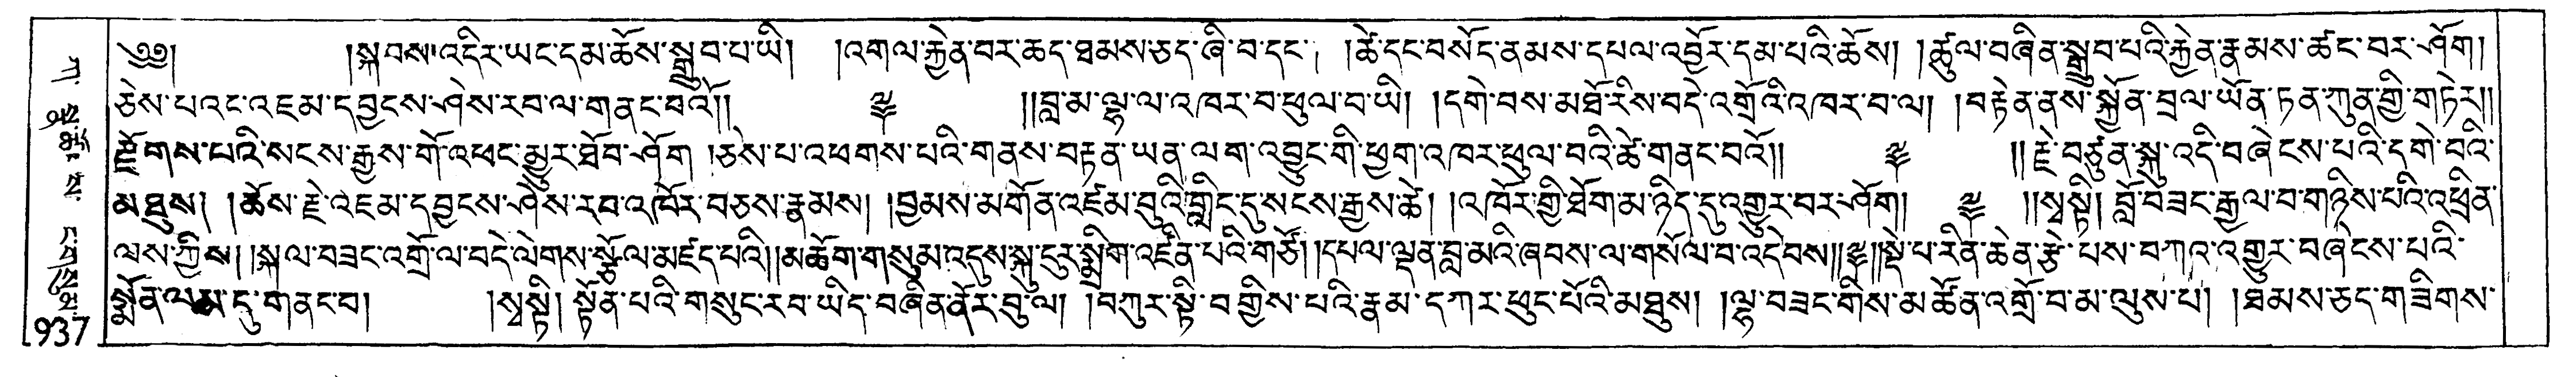༄༅། །སྐབས་འདིར་ཡང་དམ་ཆོས་སྒྲུབ་པ་ཡི། །འགལ་རྐྱེན་བར་ཆད་ཐམས་ཅད་ཞི་བ་དང་། །ཚེ་དང་བསོད་ནམས་དཔལ་འབྱོར་དམ་པའི་ཆོས། །ཚུལ་བཞིན་སྒྲུབ་པའི་རྐྱེན་རྣམས་ཚང་བར་ཤོག །
ཅེས་པའང་འཇམ་དབྱངས་ཤེས་རབ་ལ་གནང་བའོ།། ༈ །།བླ་མ་ལྷ་ལ་འཁར་བ་ཕུལ་བ་ཡི། །དགེ་བས་མཐོ་རིས་བདེ་འགྲོའི་འཁར་བ་ལ། །བརྟེན་ནས་སྐྱོན་བྲལ་ཡོན་ཏན་ཀུན་གྱི་གཏེར། །
རྫོགས་པའི་སངས་རྒྱས་གོ་འཕང་མྱུར་ཐོབ་ཤོག །ཅེས་པ་འཕགས་པའི་གནས་བརྟན་ཡན་ལག་འབྱུང་གི་ཕྱག་འཁར་ཕུལ་བའི་ཚེ་གནང་བའོ།། ༈ །།རྗེ་བཙུན་སྐུ་འདི་བཞེངས་པའི་དགེ་བའི་
མཐུས། །ཆོས་རྗེ་འཇམ་དབྱངས་ཤེས་རབ་འཁོར་བཅས་རྣམས། །བྱམས་མགོན་འཛམ་བུའི་གླིང་དུ་སངས་རྒྱས་ཚེ། །འཁོར་གྱི་ཐོག་མ་ཉིད་དུ་འགྱུར་བར་ཤོག ། ༈ །།སྭསྟི། བློ་བཟང་རྒྱལ་བ་གཉིས་པའི་འཕྲིན་
ལས་ཀྱིས། །སྐལ་བཟང་འགྲོ་ལ་བདེ་ལེགས་སྩོལ་མཛད་པའི། །མཆོག་གསུམ་འདུས་སྐུ་ངུར་སྨྲིག་འཛིན་པའི་གཙོ། །དཔལ་ལྡན་བླ་མའི་ཞབས་ལ་གསོལ་བ་འདེབས།། ༈ །།སྡེ་པ་རིན་ཆེན་རྩེ་པས་བཀའ་འགྱུར་བཞེངས་པའི་
སྨོན་ལམ་དུ་གནང་བ། །སྭསྟི། སྟོན་པའི་གསུང་རབ་ཡིད་བཞིན་ནོར་བུ་ལ། །བཀུར་སྟི་བགྱིས་པའི་རྣམ་དཀར་ཕུང་པོའི་མཐུས། །ལྷ་བཟང་གིས་མཚོན་འགྲོ་བ་མ་ལུས་པ། །ཐམས་ཅད་གཟིགས་